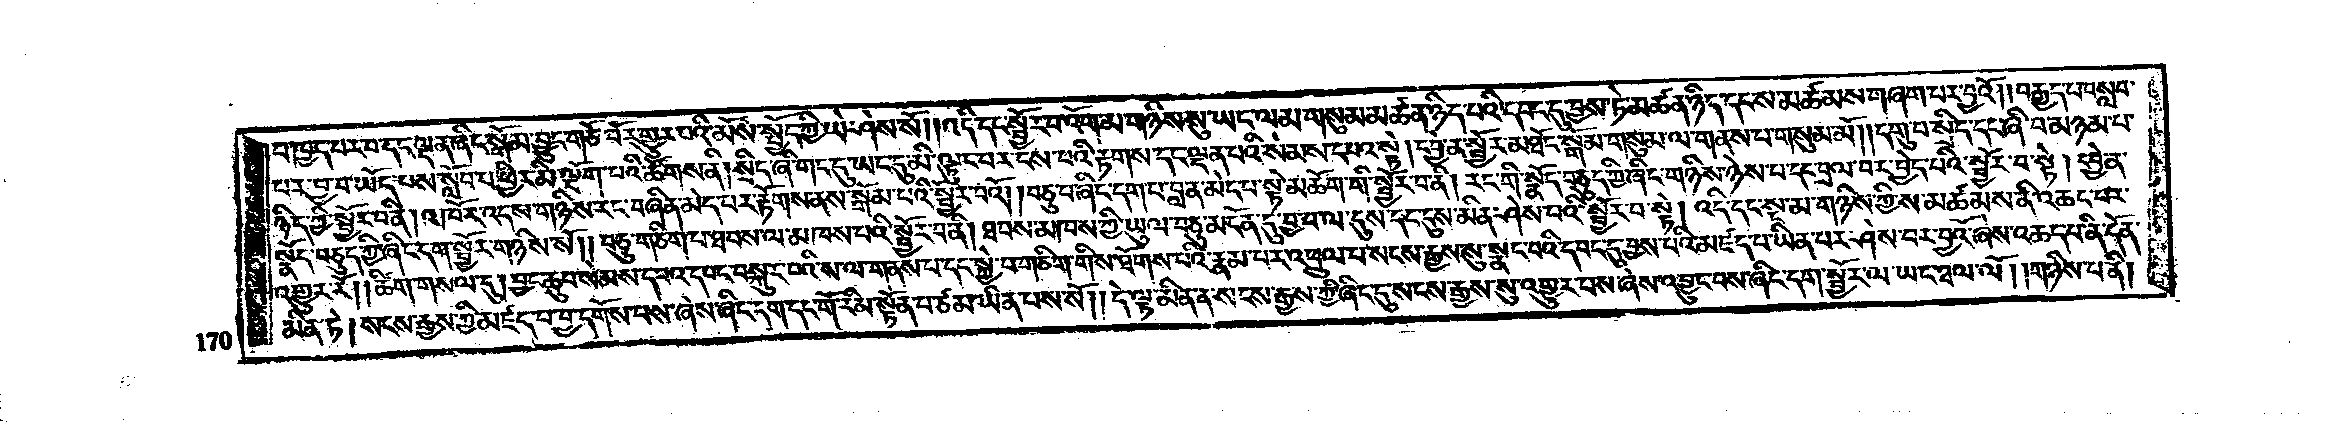པ་ཁྱད་པར་བ་དང་ལྡན་ཞིང་སྒོམ་བྱུང་གཙོ་བོར་གྱུར་པའི་མོས་སྤྱོད་ཀྱི་ཡེ་ཤེས་སོ། །འདི་དང་སྦྱོར་བ་འོག་མ་གཉིས་སུ་ཡང་ལམ་གསུམ་མཚན་ཉིད་པའི་དབང་དུ་བྱས་ཏེ་མཚན་ཉིད་དང་ས་མཚམས་གཞག་པར་བྱའོ། །བརྒྱད་པ་བསླབ་
པར་བྱ་བ་ཡོད་པས་སློབ་པ་ཕྱིར་མི་ལྡོག་པའི་ཚོགས་ནི། སྲིད་ཞི་གང་དུ་ཡང་དུ་མི་ལྟུང་བར་ངེས་པའི་རྟགས་དང་ལྡན་པའི་སེམས་དཔའ་སྟེ། དབྱེ་ན་སྦྱོར་མཐོང་སྒོམ་གསུམ་ལ་གནས་པ་གསུམ་མོ། །དགུ་པ་སྲིད་དང་ཞི་བ་མཉམ་པ་
ཉིད་ཀྱི་སྦྱོར་བ་ནི། འཁོར་འདས་གཉིས་རང་བཞིན་མེད་པར་རྟོགས་ནས་སྒོམ་པའི་སྦྱོར་བའོ། །བཅུ་པ་ཞིང་དག་པ་བླ་ན་མེད་པ་སྟེ་མཆོག་གི་སྦྱོར་བ་ནི། རང་གི་སྣོད་བཅུད་ཀྱི་ཞིང་གཉིས་ཉེས་པ་དང་བྲལ་བར་བྱེད་པའི་སྦྱོར་བ་སྟེ། དབྱེ་ན་
སྣོད་བཅུད་ཀྱི་ཞིང་དག་སྦྱོར་གཉིས་སོ། །བཅུ་གཅིག་པ་ཐབས་ལ་མཁས་པའི་སྦྱོར་བ་ནི། ཐབས་མཁས་ཀྱི་ཡུལ་བཅུ་མངོན་དུ་བྱ་བ་ལ་དུས་དང་དུས་མིན་ཤེས་པའི་སྦྱོར་བ་སྟེ། འདི་དང་སྔ་མ་གཉིས་ཀྱི་ས་མཚམས་ནི་འཆད་པར་
འགྱུར་རོ། །ཚིག་གསལ་དུ། བྱང་ཆུབ་སེམས་དཔའ་དབང་བསྐུར་བའི་ས་ལ་གནས་པ་དང་སྐྱེ་བ་གཅིག་གིས་ཐོགས་པའི་རྣམ་པར་འཕྲུལ་པ་སངས་རྒྱས་སུ་སྣང་བའི་དབང་དུ་བྱས་པའི་མཛད་པ་ཡིན་པར་ཤེས་པར་བྱའོ་ཞེས་འཆད་པ་ནི་དོན་
མིན་ཏེ། སངས་རྒྱས་ཀྱི་མཛད་པ་བྱ་དགོས་པས་ཞེས་ཞིང་དག་དང་གོ་རིམ་སྟོན་པ་ཙམ་ཡིན་པས་སོ། །དེ་ལྟ་མིན་ན་སངས་རྒྱས་ཀྱི་ཞིང་དུ་སངས་རྒྱས་སུ་འགྱུར་པས་ཞེས་འབྱུང་བས་ཞིང་དག་སྦྱོར་ལ་ཡང་ཐལ་ལོ། །གཉིས་པ་ནི།